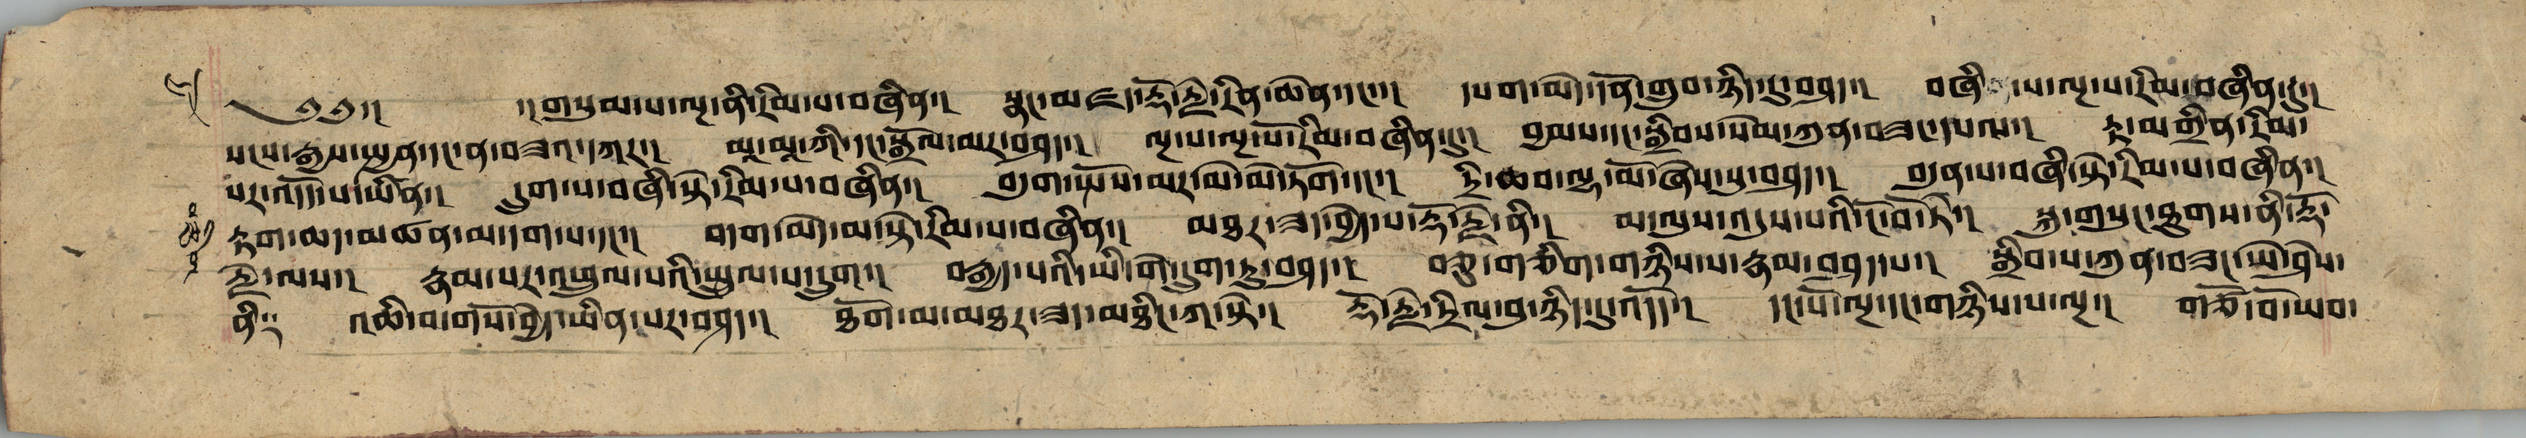༄༅་། ་།གསུམ་པ་ལྔ་ནི་རིན་པ་བཞིན་། སྣང་མཛད་རྡོ་རྗེ་རིན་ཆེན་དང་་། དཔག་མེད་དོན་གྲུབ་ཉིད་དུ་བཤད་། བཞི་པ་ལྔ་པ་རིམ་བཞིན་དུ་།
སངས་རྒྱས་སྤྱན་དང་ན་བཟའ་དཀར་། མཱ་མཱ་ཀི་དང་སྒྲོལ་མར་བཤད་། ལྔ་པ་ལྔ་པོ་རིམ་བཞིན་དུ་། བྱམས་དང་སྒྲིབས་སེལ་ཀུན་བཟང་དཔལ་། རྟ་མགྲིན་རིམ་
པར་འདོད་པ་ཡིན་། དྲུག་པ་བཞི་སྟེ་རིམ་པ་བཞིན་། བདུག་སྤོས་མར་མེ་མེ་ཏོག་དང་། དྲི་ཆབ་ལྷ་མོ་ཞེས་སུ་བཤད་། བདུན་པ་བཞི་སྟེ་རིམ་པ་བཞིན་།
རྟག་ཆད་མཚན་མ་དག་པ་དང་། བདག་མེད་མ་སྟེ་རིམ་པ་བཞིན་། མཐར་ཟད་བྱེད་པ་རྡོ་རྗེ་ནི་། མ་ལུས་འདུས་པའི་ངོ་བོ་སྟེ་། སྐུ་གསུང་ཐུགས་ནི་རྡོ་
རྗེ་ལས་། རྣམ་པར་འཕྲུལ་པའི་སྤྲུལ་པ་དྲུག་། བརྒྱད་པའི་ཡི་གེ་དྲུག་ཏུ་བཤད་། བཅུ་གཅིག་གཉིས་པ་རྣམ་བཤད་པ་། སྒྲིབ་པ་ཀུན་བཟང་ཡེ་ཤེས་
ནི༑ འཆི་བ་གསོ་བྱེད་ཡིན་པར་བཤད་། ཐོག་མ་མཐར་ཟད་མཐིང་ཀ་སྟེ་། རྡོ་རྗེ་དྲིལ་བུ་ཉིད་དུ་འདོད་། དང་པོ་ལྔ་དང་གཉིས་པ་ལྔ་། གཙོ་བོ་ཡབ་